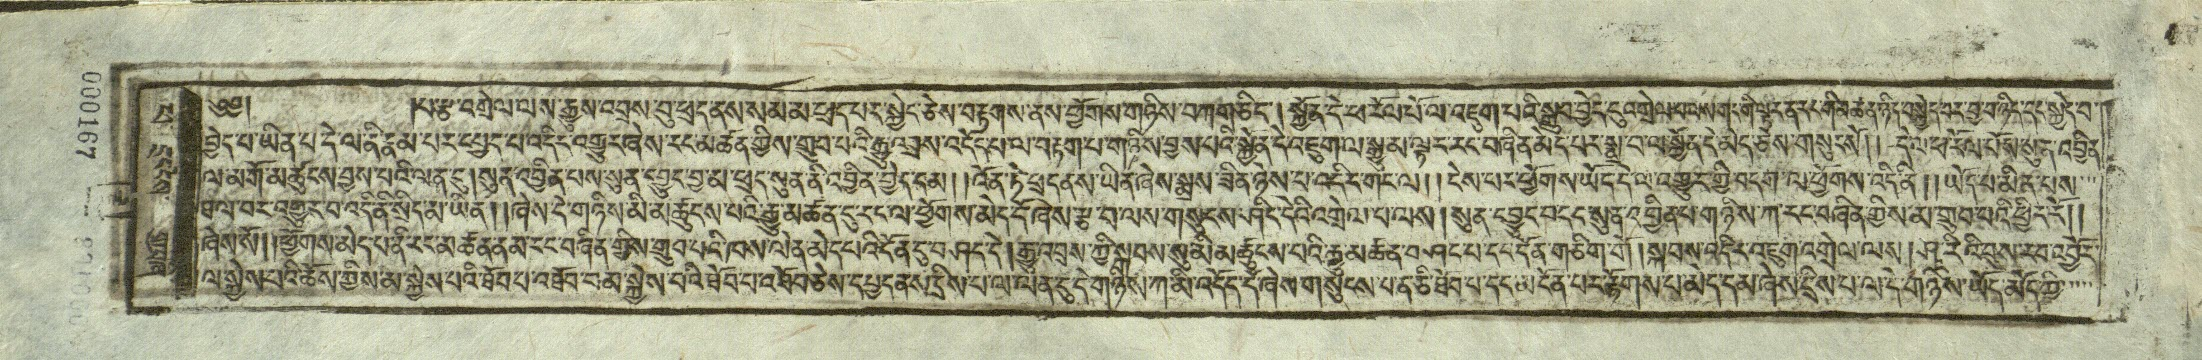༄༅། །པ་རྩ་འགྲེལ་ལས་རྒྱུས་འབྲས་བུ་ཕྲད་ནས་སམ་མ་ཕྲད་པར་སྐྱེད་ཅེས་བརྟགས་ནས་ཕྱོགས་གཉིས་བཀག་ཅིང་། སྐྱོན་དེ་ཕ་རོལ་པོ་ལ་འཇུག་པའི་སྒྲུབ་བྱེད་དུ་འགྲེལ་པ་ལས་གང་གི་ལྟར་ན་རང་གི་མཚན་ཉིད་བསྐྱོད་པར་བྱ་བ་ཉིད་དང་སྐྱེད་པ་
བྱེད་པ་ཡིན་པ་དེ་ལ་ནི་རྣམ་པར་དཔྱད་པ་འདིར་འགྱུར་ཞེས་རང་མཚན་གྱིས་གྲུབ་པའི་རྒྱུ་འབྲས་འདོད་པ་ལ་བརྟག་པ་གཉིས་བྱས་པའི་སྐྱོན་དེ་འཇུག་ལ་སྒྱུ་མ་ལྟར་རང་བཞིན་མེད་པར་སྨྲ་བ་ལ་སྐྱོན་དེ་མེད་ཅེས་གསུངས་སོ། །དེ་ལ་ཕ་རོལ་པོས་སུན་འབྱིན་
ལ་མགོ་མཚུངས་བྱས་པའི་ལན་དུ། སུན་འབྱིན་པས་སུན་དབྱུང་བྱ་མ་ཕྲད་སུན་ནི་འབྱིན་བྱེད་དམ། །འོན་ཏེ་ཕྲད་ནས་ཡིན་ཞེས་སྨྲས་ཟིན་ཉེས་པ་འདིར་གང་ལ། །ངེས་པར་ཕྱོགས་ཡོད་དེ་ལ་འགྱུར་གྱི་བདག་ལ་ཕྱོགས་འདི་ནི། །ཡོད་པ་མིན་པས་
ཐལ་བར་འགྱུར་བ་འདི་ནི་སྲིད་མ་ཡིན། །ཞེས་དེ་གཉིས་མི་མཚུངས་པའི་རྒྱུ་མཚན་དུ་རང་ལ་ཕྱོགས་མེད་དོ་ཞེས་རྩ་བ་ལས་གསུངས་ཤིང་དེའི་འགྲེལ་པ་ལས། སུན་དབྱུང་བྱ་དང་སུན་འབྱིན་པ་གཉིས་ཀ་རང་བཞིན་གྱིས་མ་གྲུབ་པའི་ཕྱིར་རོ། །
ཞེས་སོ། །ཕྱོགས་མེད་པ་ནི་རང་མཚན་ནམ་རང་བཞིན་གྱིས་གྲུབ་པའི་ཁས་ལེན་མེད་པའི་དོན་དུ་བཤད་དེ། རྒྱུ་འབྲས་ཀྱི་སྐབས་སུ་མི་མཚུངས་པའི་རྒྱུ་མཚན་བཤད་པ་དང་དོན་གཅིག་གོ། སྐབས་འདིར་འཇུག་འགྲེལ་ལས། ཤཱ་རིའི་བུས་རབ་འབྱོར་
ལ་སྐྱེས་པའི་ཆོས་ཀྱིས་མ་སྐྱེས་པའི་ཐོབ་པ་འཐོབ་པ་མ་སྐྱེས་པའི་ཐོབ་པ་འཐོབ་ཅེས་དཔྱད་ནས་དྲིས་པ་ལ་ལན་དུ་དེ་གཉིས་ཀ་མི་འདོད་དོ་ཞེས་གསུངས་པ་ན་ཅི་ཐོབ་པ་དང་མངོན་པར་རྟོགས་པ་མེད་དམ་ཞེས་དྲིས་པ་ལ་དེ་གཉིས་ཡོད་མོད་ཀྱི་